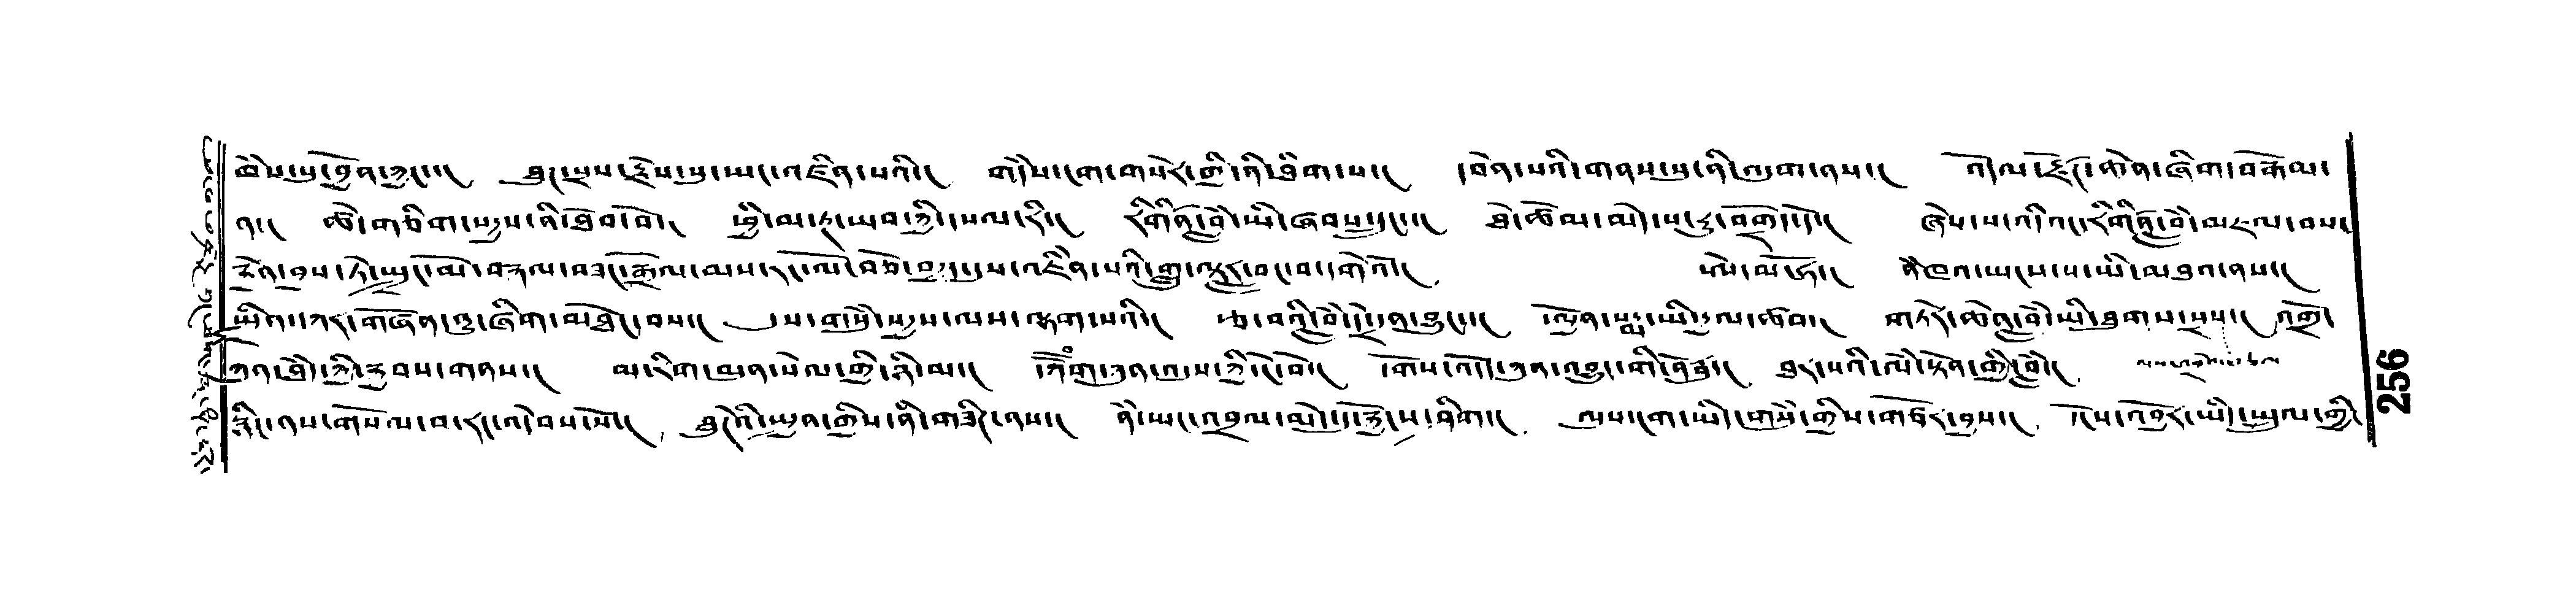ཁམས་སུ་བྱོན་ཀྱང་། །ཐུགས་སྲས་རྗེས་སུ་ཡང་འཛིན་པའི། །གདམས་ངག་གསེར་གྱི་ནི་ཐིག་པ། །དབེན་པའི་གནས་སུ་ནི་འདུག་ནས། །འོད་གསལ་རྫོགས་ཆེན་ཞིག་བསྒོམ་
ན། །ཚེ་གཅིག་སངས་རྒྱས་ནི་ཐོབ་བོ། །ཕྱི་མ་རྔ་ཡབ་ཀྱི་དཔལ་རི། །རིག་འཛིན་བླ་མ་ཡི་ཞབས་དྲུང་། །ཐེ་ཚོམ་མེད་པ་རུ་བགྲོད་དོ། ཞེས་པ་འདིའང་རིག་འཛིན་བླ་མ་མཇལ་བས་
རྐྱེན་བྱས་ཏེ་སྤྲང་མོ་བསྐལ་བཟང་སྒྲོལ་མས་རང་ལོ་བཅོ་བརྒྱད་དུས་འཇིག་རྟེན་པའི་གླུ་ལྟར་བླངས་བ་དགེའོ།། ཨེ་མ་ཧོ། ནམ་མཁའ་ཡངས་པ་ཡི་མཐའ་ནས། །
སྤྲིན་དཀར་གཞོན་ནུ་ཞིག་མཐོང་བས། །དུས་གསུམ་སངས་རྒྱས་ལས་ལྷག་པའི། །རྩ་བའི་བླ་མ་དེ་དྲན་བྱུང་། །ཨོ་རྒྱན་པདྨ་ཡི་རྒྱལ་ཚབ། །གཏེར་ཆེན་བླ་མ་ཡི་ཐུགས་སྲས། །འགྲོ་
ཀུན་ཐམས་ཅད་ཀྱི་སྐྱབས་གནས། །མ་རིག་མུན་སེལ་གྱི་ཉི་མ། །དཀོན་མཆོག་ཀུན་འདུས་ཀྱི་ངོ་བོ། །དགོས་འདོད་ཀུན་འབྱུང་གི་ནོར་བུ། །ཐར་པའི་ལམ་སྟོན་གྱི་བླ་མ། །
སྙིང་ནས་གསོལ་བ་རང་འདེབས་སོ། །ཐུགས་རྗེའི་སྤྱན་གྱིས་ནི་གཟིགས་ནས། །ནམ་ཡང་འབྲལ་མེད་དུ་སྐྱོངས་ཤིག །ལུས་ངག་ཡིད་གསུམ་གྱིས་གཙོར་བྱས། །དངོས་འབྱོར་ཡིད་སྤྲུལ་གྱི་